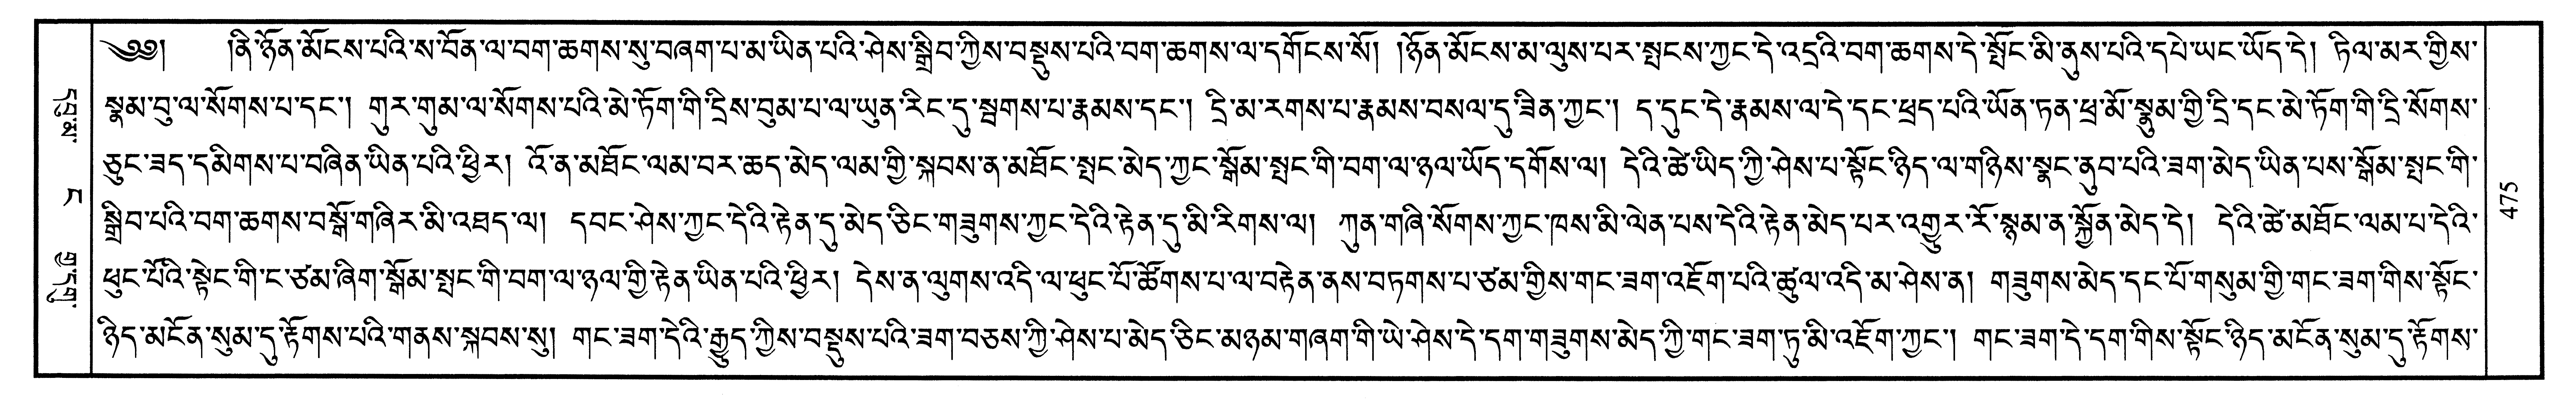༄༅། །ནི་ཉོན་མོངས་པའི་ས་བོན་ལ་བག་ཆགས་སུ་བཞག་པ་མ་ཡིན་པའི་ཤེས་སྒྲིབ་ཀྱིས་བསྡུས་པའི་བག་ཆགས་ལ་དགོངས་སོ། །ཉོན་མོངས་མ་ལུས་པར་སྤངས་ཀྱང་དེ་འདྲའི་བག་ཆགས་དེ་སྤོང་མི་ནུས་པའི་དཔེ་ཡང་ཡོད་དེ། ཏིལ་མར་གྱིས་
སྣམ་བུ་ལ་སོགས་པ་དང་། གུར་གུམ་ལ་སོགས་པའི་མེ་ཏོག་གི་དྲིས་བུམ་པ་ལ་ཡུན་རིང་དུ་སྦགས་པ་རྣམས་དང་། དྲི་མ་རགས་པ་རྣམས་བསལ་དུ་ཟིན་ཀྱང་། ད་དུང་དེ་རྣམས་ལ་དེ་དང་ཕྲད་པའི་ཡོན་ཏན་ཕྲ་མོ་སྣུམ་གྱི་དྲི་དང་མེ་ཏོག་གི་དྲི་སོགས་
ཅུང་ཟད་དམིགས་པ་བཞིན་ཡིན་པའི་ཕྱིར། འོ་ན་མཐོང་ལམ་བར་ཆད་མེད་ལམ་གྱི་སྐབས་ན་མཐོང་སྤང་མེད་ཀྱང་སྒོམ་སྤང་གི་བག་ལ་ཉལ་ཡོད་དགོས་ལ། དེའི་ཚེ་ཡིད་ཀྱི་ཤེས་པ་སྟོང་ཉིད་ལ་གཉིས་སྣང་ནུབ་པའི་ཟག་མེད་པས་སྒོམ་སྤང་གི་
སྒྲིབ་པའི་བག་ཆགས་བསྒོ་གཞིར་མི་འཐད་ལ། དབང་ཤེས་ཀྱང་དེའི་རྟེན་དུ་མེད་ཅིང་གཟུགས་ཀྱང་དེའི་རྟེན་དུ་མི་རིགས་ལ། ཀུན་གཞི་སོགས་ཀྱང་ཁས་མི་ལེན་པས་དེའི་རྟེན་མེད་པར་འགྱུར་རོ་སྙམ་ན་སྐྱོན་མེད་དེ། དེའི་ཚེ་མཐོང་ལམ་པ་དེའི་
ཕུང་པོའི་སྟེང་གི་ང་ཙམ་ཞིག་སྒོམ་སྤང་གི་བག་ལ་ཉལ་གྱི་རྟེན་ཡིན་པའི་ཕྱིར། དེས་ན་ལུགས་འདི་ལ་ཕུང་པོ་ཚོགས་པ་ལ་བརྟེན་ནས་བཏགས་པ་ཙམ་གྱིས་གང་ཟག་འཇོག་པའི་ཚུལ་འདི་མ་ཤེས་ན། གཟུགས་མེད་དང་པོ་གསུམ་གྱི་གང་ཟག་གིས་སྟོང་
ཉིད་མངོན་སུམ་དུ་རྟོགས་པའི་གནས་སྐབས་སུ། གང་ཟག་དེའི་རྒྱུད་ཀྱིས་བསྡུས་པའི་ཟག་བཅས་ཀྱི་ཤེས་པ་མེད་ཅིང་མཉམ་གཞག་གི་ཡེ་ཤེས་དེ་དག་གཟུགས་མེད་ཀྱི་གང་ཟག་ཏུ་མི་འཇོག་ཀྱང་། གང་ཟག་དེ་དག་གིས་སྟོང་ཉིད་མངོན་སུམ་དུ་རྟོགས་